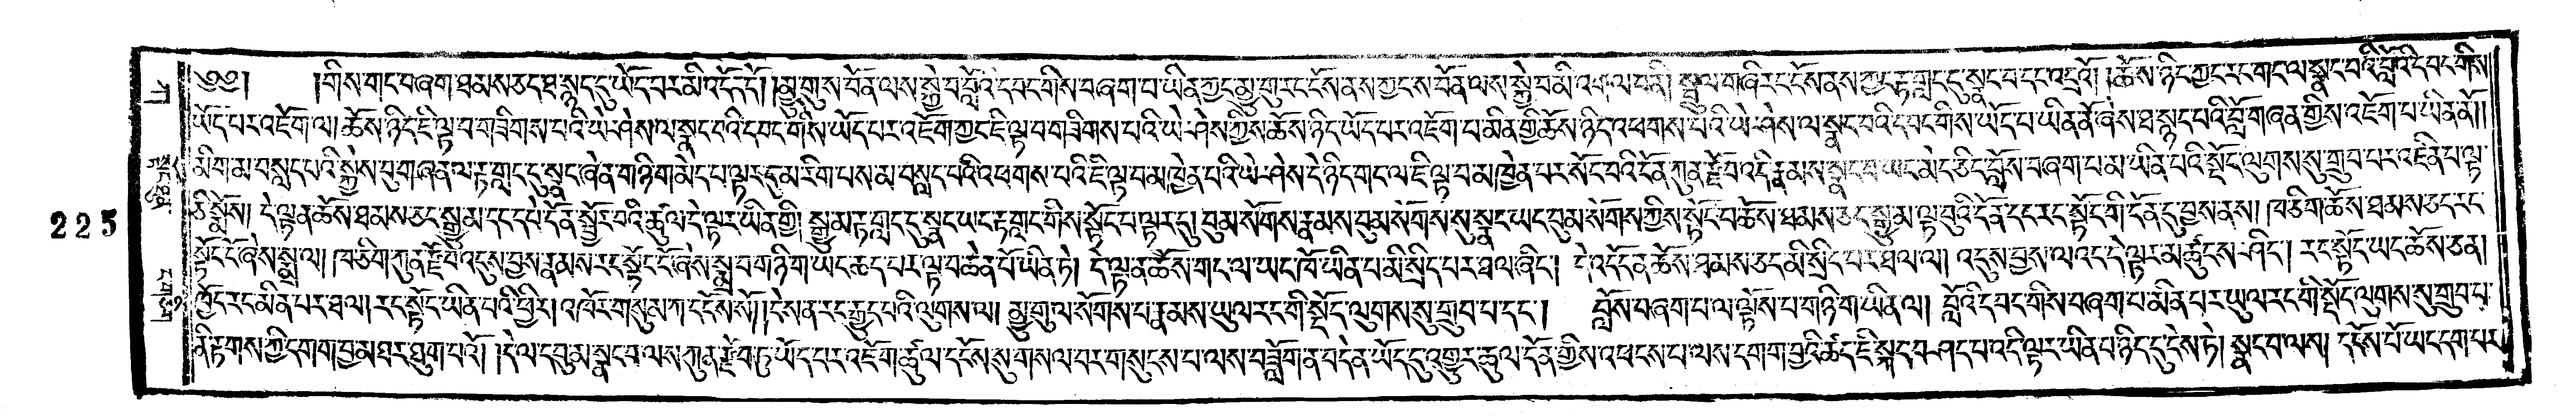༄༅། །གིས་གང་བཞག་ཐམས་ཅད་ཐ་སྙད་དུ་ཡོད་པར་མི་འདོད་དོ། །མྱུ་གུ་ས་བོན་ལས་སྐྱེ་བ་བློའི་དབང་གིས་བཞག་པ་ཡིན་ཀྱང་མྱུ་གུ་རང་ངོས་ནས་ཀྱང་ས་བོན་ལས་སྐྱེ་བ་མི་འགལ་བ་ནི། སྦྲུལ་གཞི་རང་ངོས་ནས་ཀྱང་རྟ་གླང་དུ་སྣང་བ་དང་འདྲའོ། །ཆོས་ཉིད་ཀྱང་རང་གང་ལ་སྣང་བའི་བློའི་དབང་གིས་
ཡོད་པར་འཇོག་ལ། ཆོས་ཉིད་ཇི་ལྟ་བ་གཟིགས་པའི་ཡེ་ཤེས་ལ་སྣང་བའི་དབང་གིས་ཡོད་པར་འཇོག་ཀྱང་ཇི་ལྟ་བ་གཟིགས་པའི་ཡེ་ཤེས་ཀྱིས་ཆོས་ཉིད་ཡོད་པར་འཇོག་པ་མིན་གྱི་ཆོས་ཉིད་འཕགས་པའི་ཡེ་ཤེས་ལ་སྣང་བའི་དབང་གིས་ཡོད་པ་ཡིན་ནོ་ཞེས་ཐ་སྙད་པའི་བློ་གཞན་གྱིས་འཇོག་པ་ཡིན་ནོ།།
མིག་མ་བསླད་པའི་སྐྱེས་བུ་གཞན་ལ་རྟ་གླང་དུ་སྣང་ཞེན་གཉི་ག་མེད་པ་ལྟར་དུ་མ་རིག་པས་མ་བསླད་པའི་འཕགས་བའི་ཇི་ལྟ་བ་མཁྱེན་པའི་ཡེ་ཤེས་དེ་ཉིད་གང་ལ་ཇི་ལྟ་བ་མཁྱེན་པར་སོང་བའི་དོན་ཀུན་རྫོབ་འདི་རྣམས་སྣང་བ་ཡང་མེད་ཅིང་བློས་བཞག་པ་མ་ཡིན་པའི་སྡོད་ལུགས་སུ་གྲུབ་པར་འཛིན་པ་ལྟ་
ཅི་སྨོས། དེ་ལྟ་ན་ཆོས་ཐམས་ཅད་སྒྱུ་མ་དང་དཔེ་དོན་སྦྱོར་བའི་ཚུལ་དེ་ལྟར་ཡིན་གྱི། སྒྱུ་མ་རྟ་གླང་དུ་སྣང་ཡང་རྟ་གླང་གིས་སྟོང་པ་ལྟར་དུ། བུམ་སོགས་རྣམས་བུམ་སོགས་སུ་སྣང་ཡང་བུམ་སོགས་ཀྱིས་སྟོང་བ་ཆོས་ཐམས་ཅད་སྒྱུ་མ་ལྟ་བུའི་དོན་དང་རང་སྟོང་གི་དོན་དུ་བྱས་ནས། ཁ་ཅིག་ཆོས་ཐམས་ཅད་རང་
སྟོང་ངོ་ཞེས་སྨྲ་ལ། ཁ་ཅིག་ཀུན་རྫོབ་འདུས་བྱས་རྣམས་རང་སྟོང་ངོ་ཞེས་སྨྲ་བ་གཉི་ག་ཡང་ཆད་པར་ལྟ་བ་ཆེན་པོ་ཡིན་ཏེ། དེ་ལྟ་ན་ཆོས་གང་ལ་ཡང་ཁོ་ཡིན་པ་མི་སྲིད་པར་ཐལ་ཞིང་། དེ་འདོད་ན་ཆོས་ཐམས་ཅད་མི་སྲིད་པར་ཐལ་ལ། འདུས་བྱས་ལའང་དེ་ལྟར་མཚུངས་ཤིང་། རང་སྟོང་ཡང་ཆོས་ཅན།
ཁྱོད་རང་མིན་པར་ཐལ། རང་སྟོང་ཡིན་པའི་ཕྱིར། འཁོར་གསུམ་ཀ་དངོས་སོ། །དེས་ན་རང་རྒྱུད་པའི་ལུགས་ལ། མྱུ་གུ་ལ་སོགས་པ་རྣམས་ཡུལ་རང་གི་སྡོད་ལུགས་སུ་གྲུབ་པ་དང་། བློས་བཞག་པ་ལ་ལྟོས་པ་གཉི་ག་ཡིན་ལ། བློའི་དབང་གིས་བཞག་པ་མིན་པར་ཡུལ་རང་གི་སྡོད་ལུགས་སུ་གྲུབ་པ་
ནི་རྟགས་ཀྱི་དགག་བྱ་མཐར་ཐུག་པའོ། །དེ་ལ་དབུ་མ་སྣང་བ་ལས་ཀུན་རྫོབ་ཏུ་ཡོད་པར་འཇོག་ཚུལ་དངོས་སུ་གསལ་བར་གསུངས་པ་ལས་བཟློག་ན་བདེན་ཡོད་དུ་འགྱུར་ཆུལ་དོན་གྱིས་འཕངས་པ་ལས་དགག་བྱའི་ཚད་ཇི་སྐད་བཤད་པ་འདི་ལྟར་ཡིན་པ་ཉིད་དུ་ངེས་ཏེ། སྣང་བ་ལས། དངོས་པོ་ཡང་དག་པར་